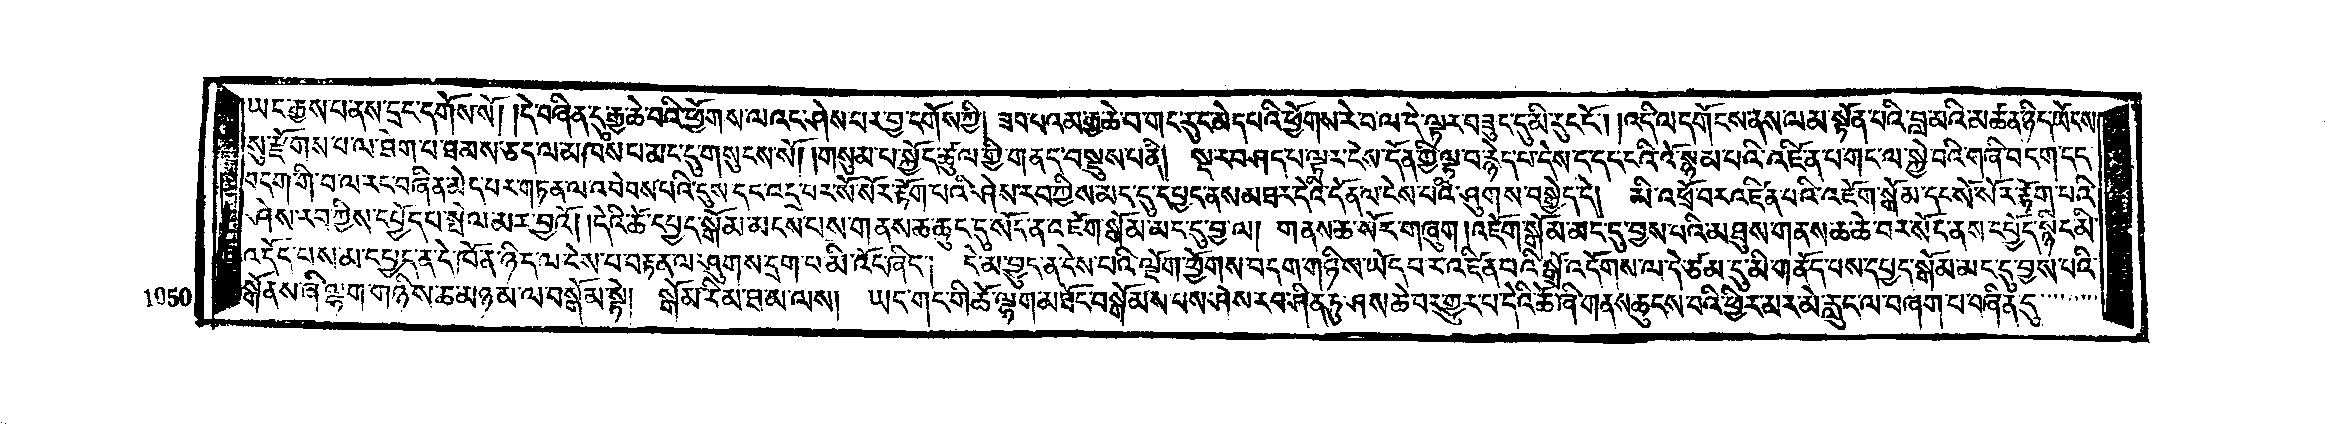ཡང་རྒྱས་པ་ནས་དྲང་དགོས་སོ། །དེ་བཞིན་དུ་རྒྱ་ཆེ་བའི་ཕྱོགས་ལའང་ཤེས་པར་བྱ་དགོས་ཀྱི། ཟབ་པའམ་རྒྱ་ཆེ་བ་གང་རུང་མེད་པའི་ཕྱོགས་རེ་པ་ལ་དེ་ལྟར་བཟུང་དུ་མི་རུང་ངོ། །འདི་ལ་དགོངས་ནས་ལམ་སྟོན་པའི་བླ་མའི་མཚན་ཉིད་ཡོངས་
སུ་རྫོགས་པ་ལ་ཐེག་པ་ཐམས་ཅད་ལ་མཁས་པ་མང་དུ་གསུངས་སོ། །གསུམ་པ་སྐྱོང་ཚུལ་གྱི་གནད་བསྡུས་བ་ནི། སྔར་བཤད་པ་ལྟར་ངེས་དོན་གྱི་ལྟ་བ་རྙེད་པ་དེས་ང་དང་ངའིའོ་སྙམ་པའི་འཛིན་པ་གང་ལ་སྐྱེ་བའི་གཞི་བདག་དང་
བདག་གི་བ་ལ་རང་བཞིན་མེད་པར་གཏན་ལ་འབེབས་པའི་དུས་དང་འདྲ་བར་སོ་སོར་རྟོག་པའི་ཤེས་རབ་ཀྱིས་མང་དུ་དཔྱད་ནས་མཐར་དེའི་དོན་ལ་ངེས་པའི་ཤུགས་བསྐྱེད་དེ། མི་འཕྲོང་བར་འཛིན་པའི་འཇོག་སྒོམ་དང་སོ་སོར་རྟོག་པའི་
ཤེས་རབ་ཀྱིས་དཔྱོད་པ་སྤེལ་མར་བྱའོ། །དེའི་ཚེ་དཔྱད་སྒོམ་མངས་པས་གནས་ཆ་ཆུང་དུ་སོང་ན་འཇོག་སྒོམ་མང་དུ་བྱ་ལ། གནས་ཆ་སོར་གཞུག །འཇོག་སྒོམ་མང་དུ་བྱས་པའི་མཐུས་གནས་ཆ་ཆེ་བར་སོང་ནས་དཔྱོད་སྙིང་མི་
འདོད་པས་མ་དཔྱད་དེ་ན་དེ་ཁོ་ན་ཉིད་ལ་ངེས་པ་བརྟན་ལ་ཤུགས་དྲག་པ་མི་འོང་ཞིང་། དེ་མ་བྱུང་ན་ངེས་པའི་ལྡོག་ཕྱོགས་བདག་གཉིས་ཡོད་པར་འཛིན་པའི་སྒྲོ་འདོགས་ལ་དེ་ཙམ་དུ་མི་གནོད་པས་དཔྱད་སྒོམ་མང་དུ་བྱས་པའི་
སྒོ་ནས་ཞི་ལྷག་གཉིས་ཆ་མཉམ་ལ་བསྒོམ་སྟེ། སྒོམ་རིམ་ཐ་མ་ལས། ཡང་གང་གི་ཚེ་ལྷག་མཐོང་བསྒོམས་པས་ཤེས་རབ་ཤིན་ཏུ་ཤས་ཆེ་བར་འགྱུར་པ་དེའི་ཚེ་ཞི་གནས་ཆུངས་པའི་ཕྱིར་མར་མེ་རླུང་ལ་བཞག་པ་བཞིན་དུ་